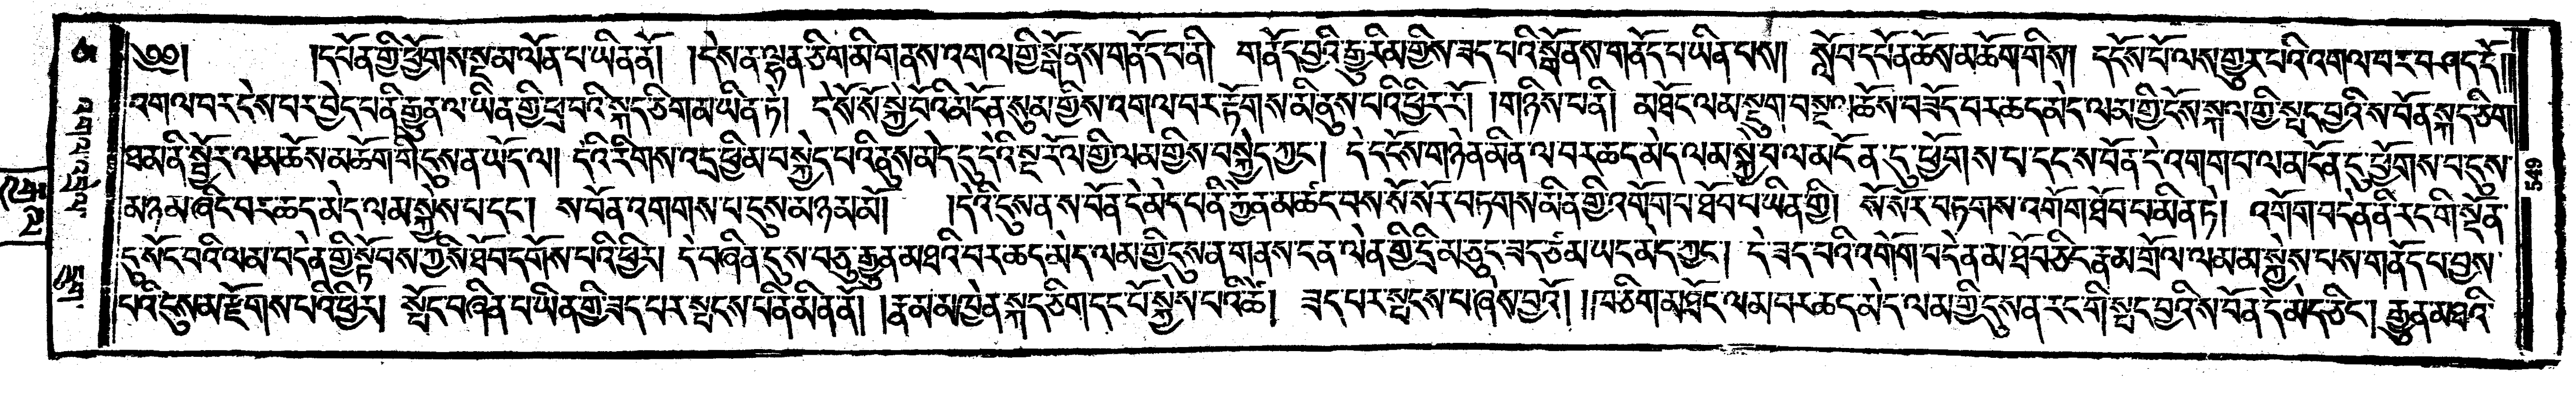༄༅། །དཔོན་གྱི་ཕྱོགས་སྔ་མ་ལོན་པ་ཡིན་ནོ། །དེས་ན་ལྷན་ཅིག་མི་གནས་འགལ་གྱི་སྒོ་ནས་གནོད་པ་ནི། གནོད་བྱའི་རྒྱུ་རིམ་གྱིས་ཟད་པའི་སྒོ་ནས་གནོད་པ་ཡིན་པས། སློབ་དཔོན་ཆོས་མཆོག་གིས། དངོས་པོ་ལས་གྱུར་པའི་འགལ་བར་བཤད་དོ།།
འགལ་བར་ངེས་པར་བྱེད་པ་ནི་རྒྱུན་ལ་ཡིན་གྱི་ཕྲ་བའི་སྐད་ཅིག་མ་ཡིན་ཏེ། དེ་སོ་སོ་སྐྱེ་བོའི་མངོན་སུམ་གྱིས་འགལ་བར་རྟོགས་མི་ནུས་པའི་ཕྱིར་རོ། །གཉིས་པ་ནི། མཐོང་ལམ་སྡུག་བསྔལ་ཆོས་བཟོད་བར་ཆད་མེད་ལམ་གྱི་ངོས་སྐལ་གྱི་སྤང་བྱའི་ས་བོན་སྐད་ཅིག་
ཐ་མ་ནི་སྦྱོར་ལམ་ཆོས་མཆོག་གི་དུས་ན་ཡོད་ལ། དེའི་རིགས་འདྲ་ཕྱི་མ་བསྐྱེད་པའི་ནུས་མེད་དུ་དེའི་སྔ་རོལ་གྱི་ལམ་གྱིས་བསྐྱེད་ཀྱང་། དེ་དངོས་གཉེན་མིན་ལ་བར་ཆད་མེད་ལམ་སྐྱེ་བ་ལ་མངོན་དུ་ཕྱོགས་པ་དང་ས་བོན་དེ་འགག་པ་ལ་མངོན་དུ་ཕྱོགས་པ་དུས་
མཉམ་ཞིང་བར་ཆད་མེད་ལམ་སྐྱེས་པ་དང་། ས་བོན་འགགས་པ་དུས་མཉམ་མོ། །དེའི་དུས་ན་ས་བོན་དེ་མེད་པ་ནི་རྐྱེན་མ་ཚང་བས་སོ་སོར་བཏགས་མིན་གྱི་འགོག་པ་ཐོབ་པ་ཡིན་གྱི། སོ་སོར་བཏགས་འགོག་ཐོབ་པ་མིན་ཏེ། འགོག་བདེན་ནི་རང་གི་སྔོན་
དུ་སོང་བའི་ལམ་བདེན་གྱི་སྟོབས་ཀྱིས་ཐོབ་དགོས་པའི་ཕྱིར། དེ་བཞིན་དུ་ས་བཅུ་རྒྱུན་མཐའི་བར་ཆད་མེད་ལམ་གྱི་དུས་ན་གནས་ངན་ལེན་གྱི་དྲི་མ་ཅུང་ཟད་ཙམ་ཡང་མེད་ཀྱང་། དེ་ཟད་པའི་འགོག་བདེན་མ་ཐོབ་ཅིང་རྣམ་གྲོལ་ལམ་མ་སྐྱེས་པས་གནོད་པ་བྱས་
པའི་དུས་མ་རྫོགས་པའི་ཕྱིར། སྤོང་བཞིན་པ་ཡིན་གྱི་ཟད་པར་སྤངས་པ་ནི་མིན་ནོ། །རྣམ་མཁྱེན་སྐད་ཅིག་དང་པོ་སྐྱེས་པའི་ཚེ། ཟད་པར་སྤངས་པ་ཞེས་བྱའོ། །ཁ་ཅིག་མཐོང་ལམ་བར་ཆད་མེད་ལམ་གྱི་དུས་ན་རང་གི་སྤང་བྱའི་ས་བོན་དེ་མེད་ཅིང་། རྒྱུན་མཐའི་